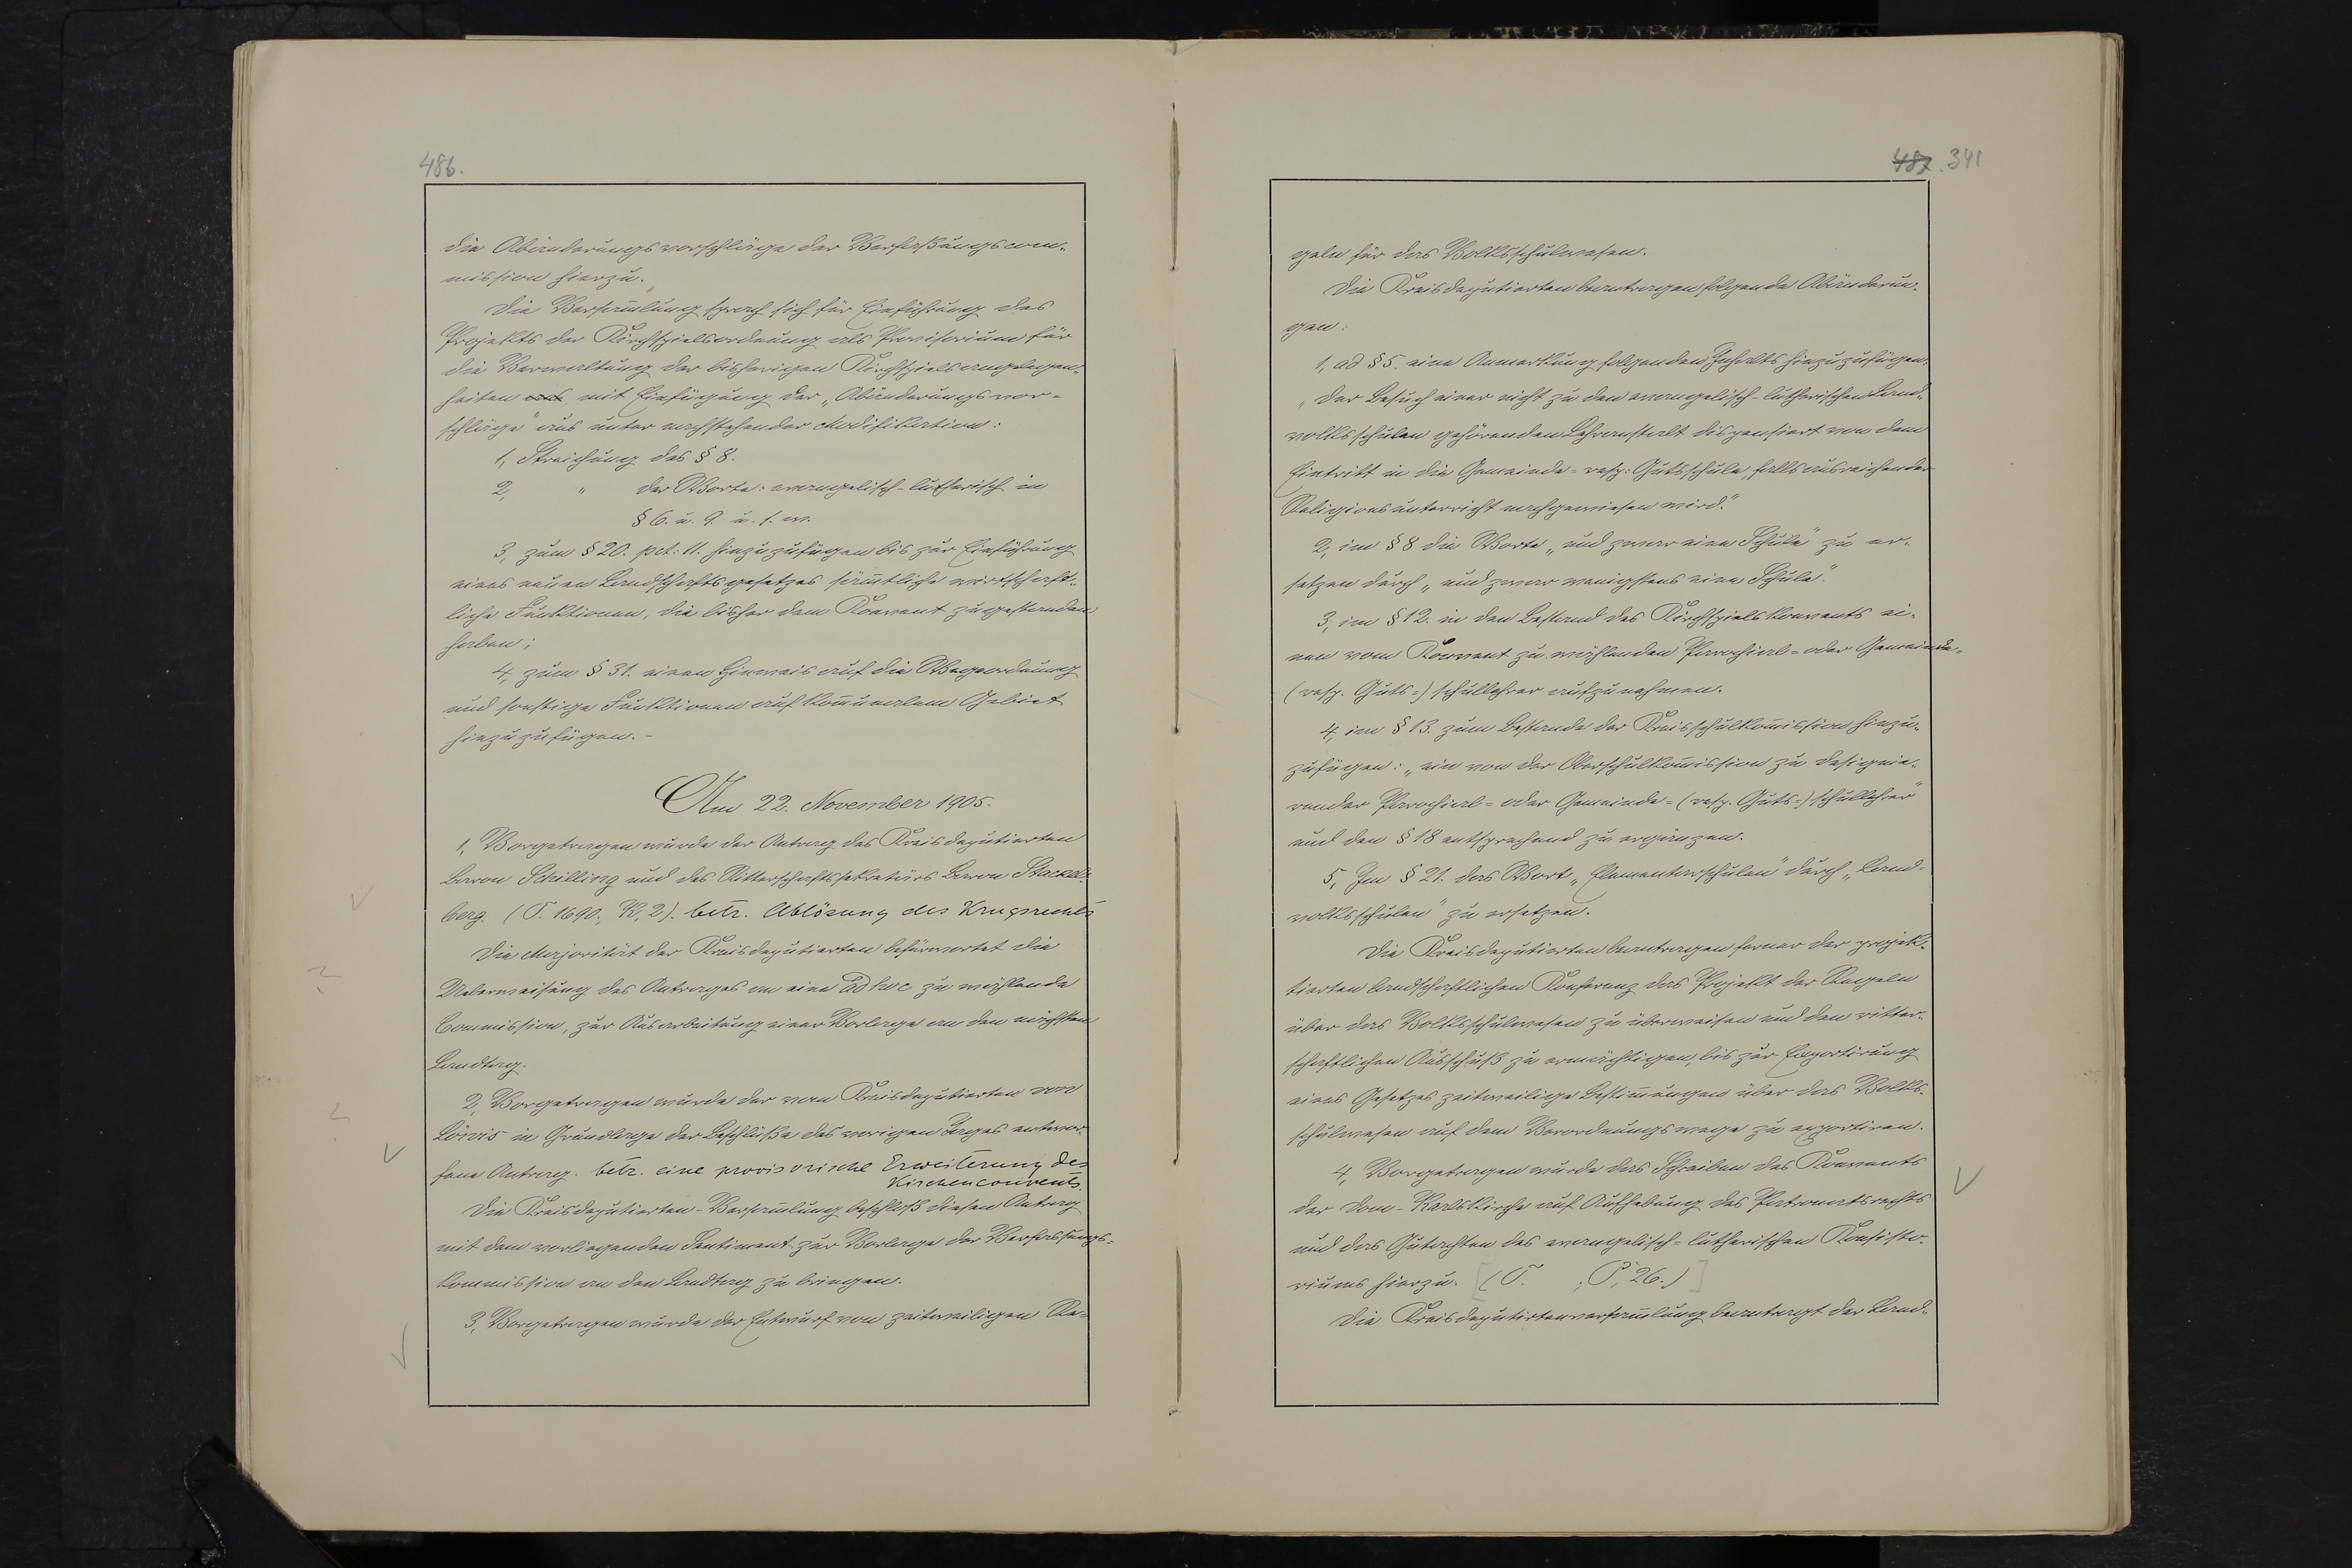die Abänderungsvorschläge der Verfaßungscom-
mission hierzu.
Die Versammlung sprach sich für Einführung des
Projekts der Kirchspielsordnung als Provisorium für
die Verwaltung der bisherigen Kirchspielsangelegen-
heiten aus, mit Einfügung der „Abänderungsvor-
schläge“ aus unter nachstehender Modifikation:
1. Streichung des § 8.
2. " der Worte: evangelisch-lutherisch in
§ 6. u. 9. u.s.w.
3. zum § 20 pct. 11. hinzuzufügen bis zur Einführung
eines neuen Landschaftsgesetzes sämmtliche wirtschaft-
liche Funktionen, die bisher dem Konvent zugestanden
haben;
4. zum § 31. einen Hinweis auf die Wegeordnung
und sonstige Funktionen auf kommunalem Gebiet
hinzuzufügen.
Am 22. November 1905.
1. Vorgetragen wurde der Antrag des Kreisdeputierten
Baron Schilling und des Ritterschaftssekretärs Baron Stackel-
berg (T.1690; K.2) betr. Ablösung des Krugsrechts
Die Majorität der Kreisdeputierten befürwortet die
Ueberweisung des Antrages an eine ad hoc zu wählende
Commission, zur Ausarbeitung einer Vorlage an den nächsten
Landtag.
2. Vorgetragen wurde der vom Kreisdeputierten von
Löwis in Grundlage der Beschlüße des vorigen Tages entwor-
fene Antrag. betr. eine provisorische Erweiterung des
Kirchenconvents
Die Kreisdeputierten-Versammlung beschloß diesen Antrag
mit dem vorliegenden Sentiment zur Vorlage der Verfassungs-
kommission an den Landtag zu bringen.
3. Vorgetragen wurde der Entwurf von zeitweiligen Re-
geln für das Volksschulwesen.
Die Kreisdeputierten beantragen folgende Abänderun-
gen:
1. ad § 5. eine Anmerkung folgenden Inhalts hinzuzufügen:
„Der Besuch einer nicht zu den evangelisch-lutherischen Land-
volksschulen gehörenden Lehranstalt dispensiert von dem
Eintritt in die Gemeinde- resp. Gutsschule, falls ausreichender
Religionsunterricht nachgewiesen wird.“
2. im § 8 die Worte „und zuvor eine Schule“ zu er-
setzen durch „und zuvor wenigstens eine Schule.“
3. im § 12. in den Bestand des Kirchspielskonvents ei-
nen vom Konvent zu wählenden Parochial- oder Gemeinde-
(resp. Guts-)schullehrer aufzunehmen.
4. im § 13. zum Bestande der Kreisschulkommission hinzu-
zufügen: „ein von der Oberschulkommission zu designie-
render Parochial- oder Gemeinde- (resp. Guts-)schullehrer“
und den § 18 entsprechend zu ergänzen.
5. Im § 21. das Wort „Elementarschulen“ durch „Land-
volksschulen“ zu ersetzen.
Die Kreisdeputierten beantragen ferner, der projek-
tierten landschaftlichen Konferenz das Projekt der Regeln
über das Volksschulwesen zu überweisen und den ritter-
schaftlichen Ausschuß zu ermächtigen, bis zur Exportirung
eines Gesetzes zeitweilige Bestimmungen über das Volks-
schulwesen auf dem Verordnungswege zu exportiren.
4. Vorgetragen wurde das Schreiben des Konvents
der Dom-Karlskirche auf Aufhebung des Patronatsrechts
und das Gutachten des evangelisch-lutherischen Konsisto-
riums hierzu. (T. ; P.26.)
Die Kreisdeputirtenversammlung beantragt der Land-